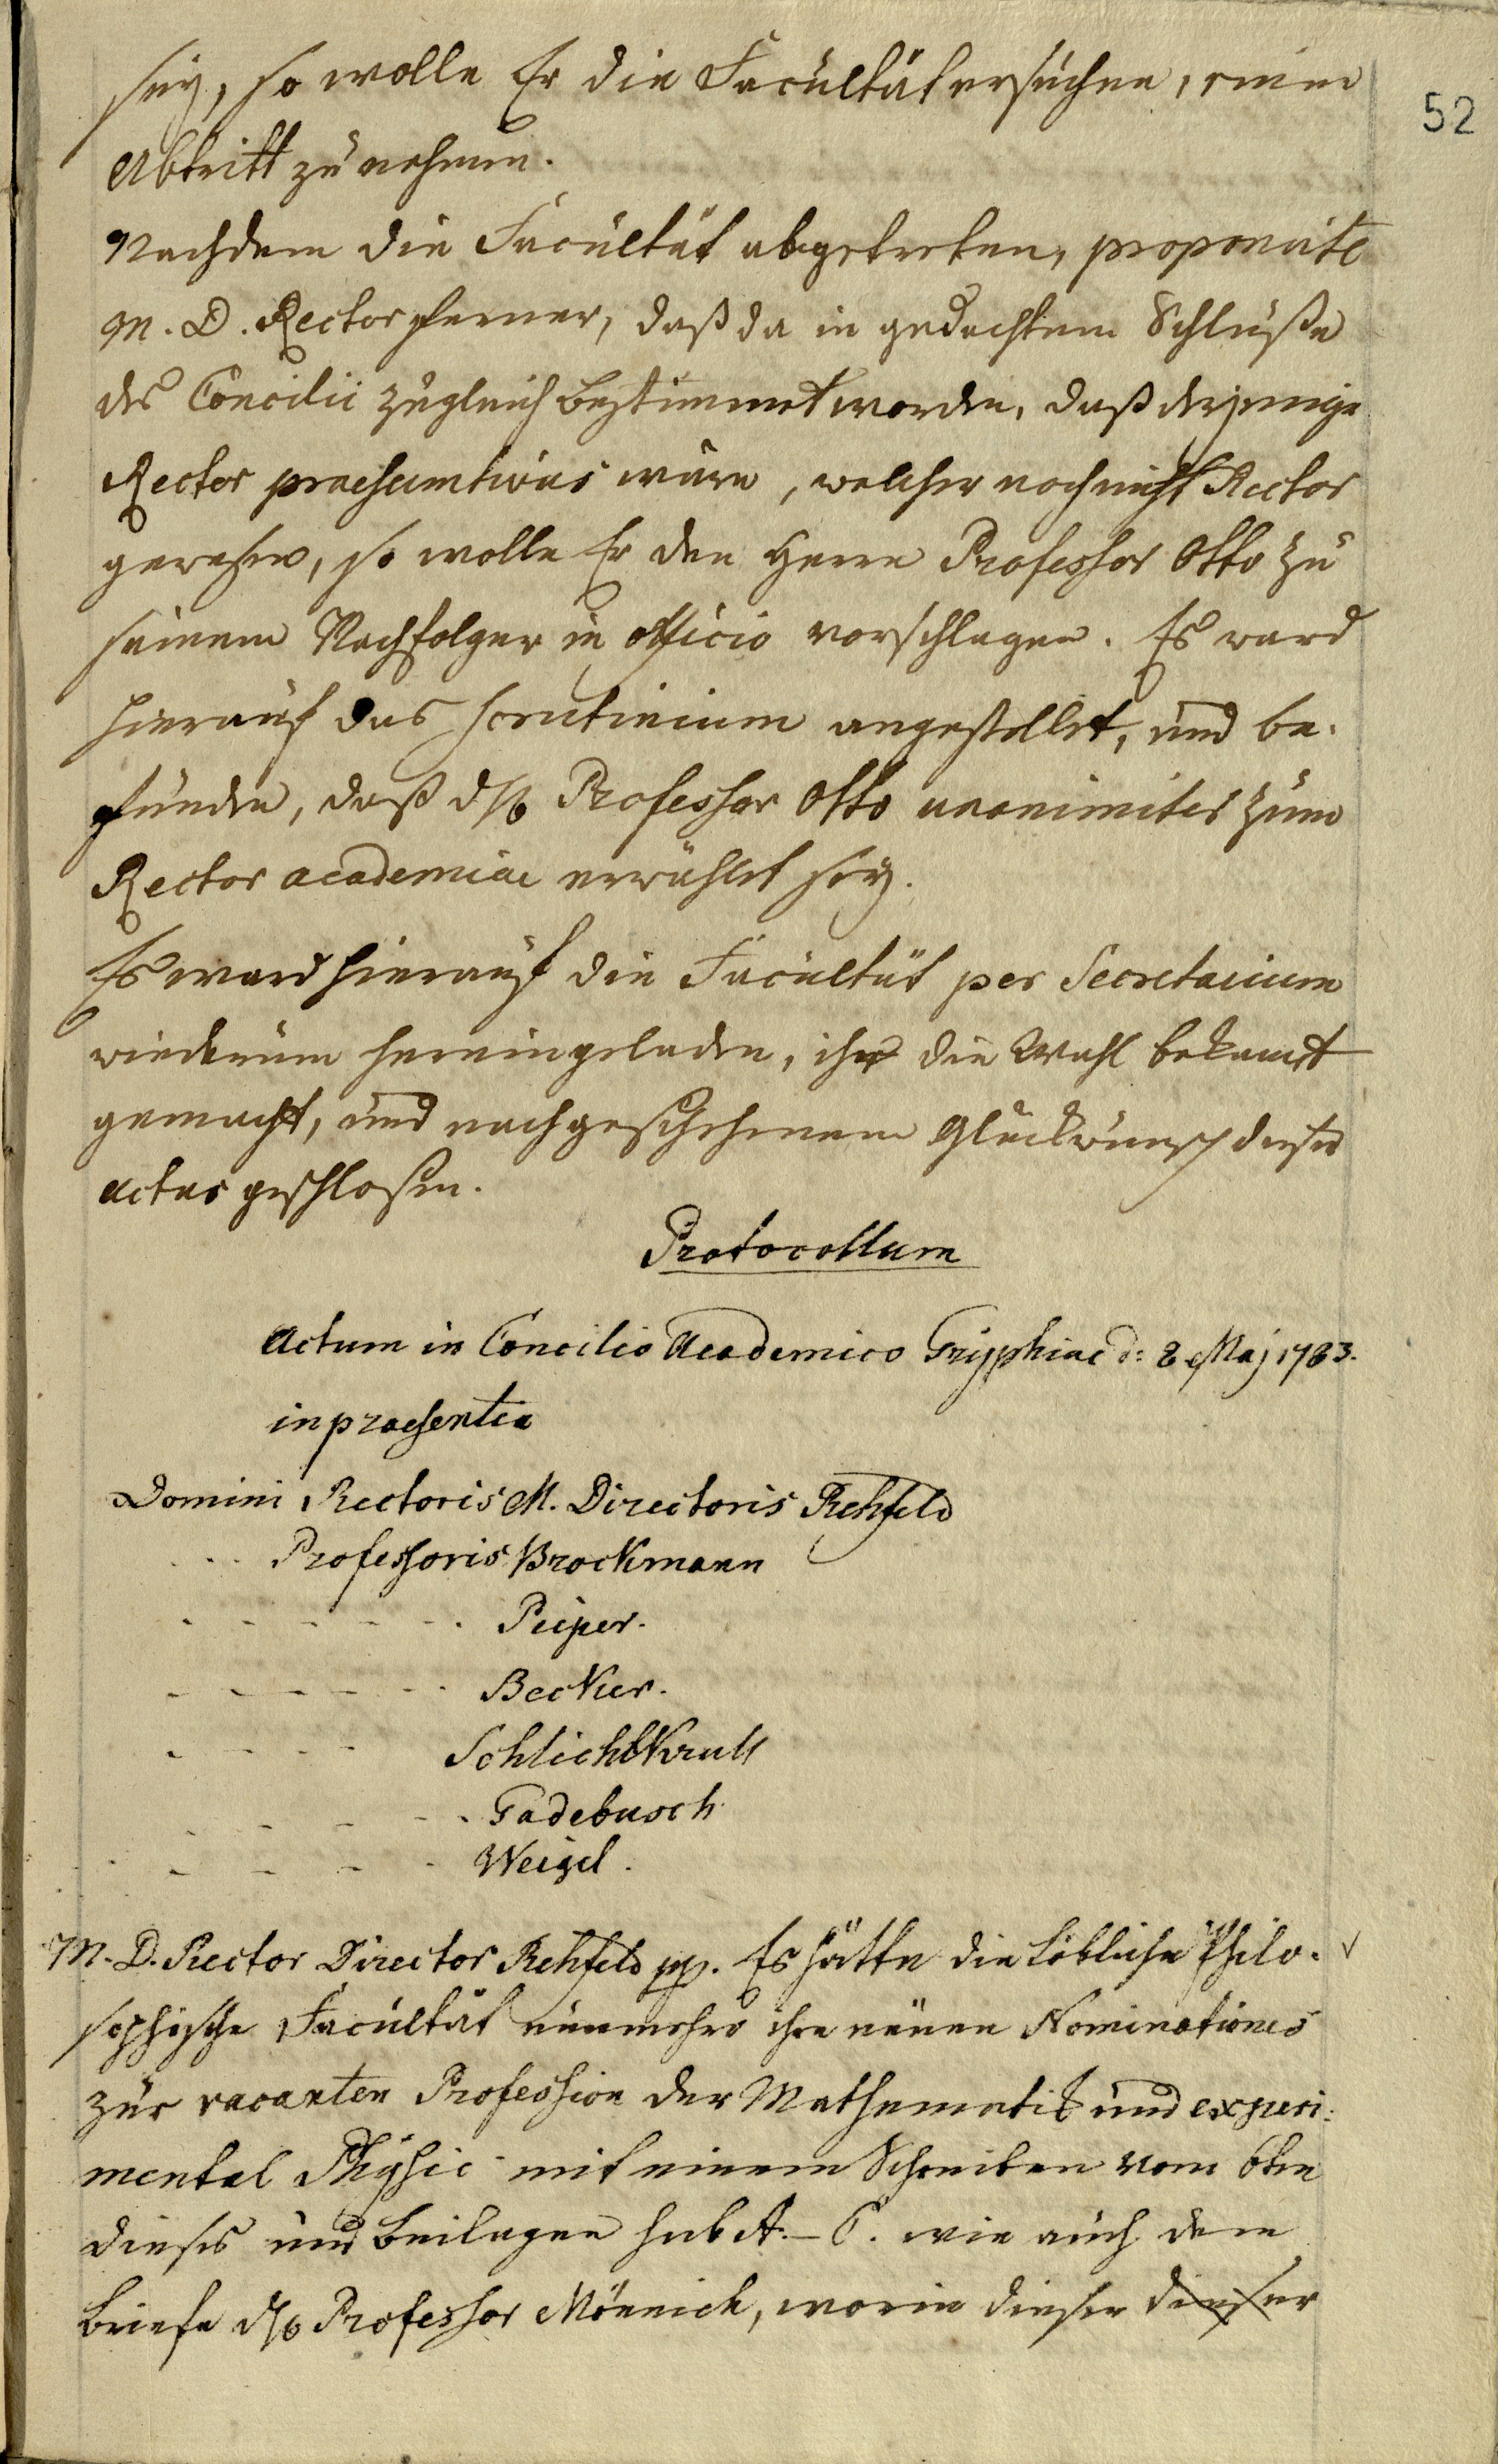seÿ, so wolle Er die Facultät ersuchen, einen
Abtritt zu nehmen.
Nachdem die Facultät abgetreten, proponirte
M. D. Rector ferner, daß da in m Schluße
des Concilii zugleich bestimmet worden, daß derjenige
Rector praesumtivus wäre, welcher nochnicht Rector
gewesen, so wolle Er den Herrn Professor Otto zu
seinem Nachfolger in officio vorschlagen. Es ward
hierauf das scrutinium angestellet und be¬
funden, daß dh Professor Otto unonimiter zum
Rector Academiae erwählet seÿ.
Es ward hierauf die Facultät per Secretarium
wiederum hereingeladen, ihr die Wahl bekannt
gemacht, und nach geschehenem Glückwunsch dieser
Actus geschloßen.
Protocollum
Actum in Concilio Academico Grÿphiae d. 8. Maj 1783.
in paesentia
Domini Rectoris M. Directoris Rehfeld
Professoris Brockmann
Pieper.
Becker.
Schlichtkrull
Gadebusch.
Weigel.
M. D. Rector Director Rehfeld pp. Es hätte die Löbliche Philo¬
sophische Facultät nunmehro ihre neuen Nominationes
zur vacanten Profession der Mathematik und experi¬
mental Phÿsic mit einem Schreiben vom 6 ten
dieses und Beilagen sub A.-C. wie auch dem
Briefe dh Professor Mönnich, worin dieser